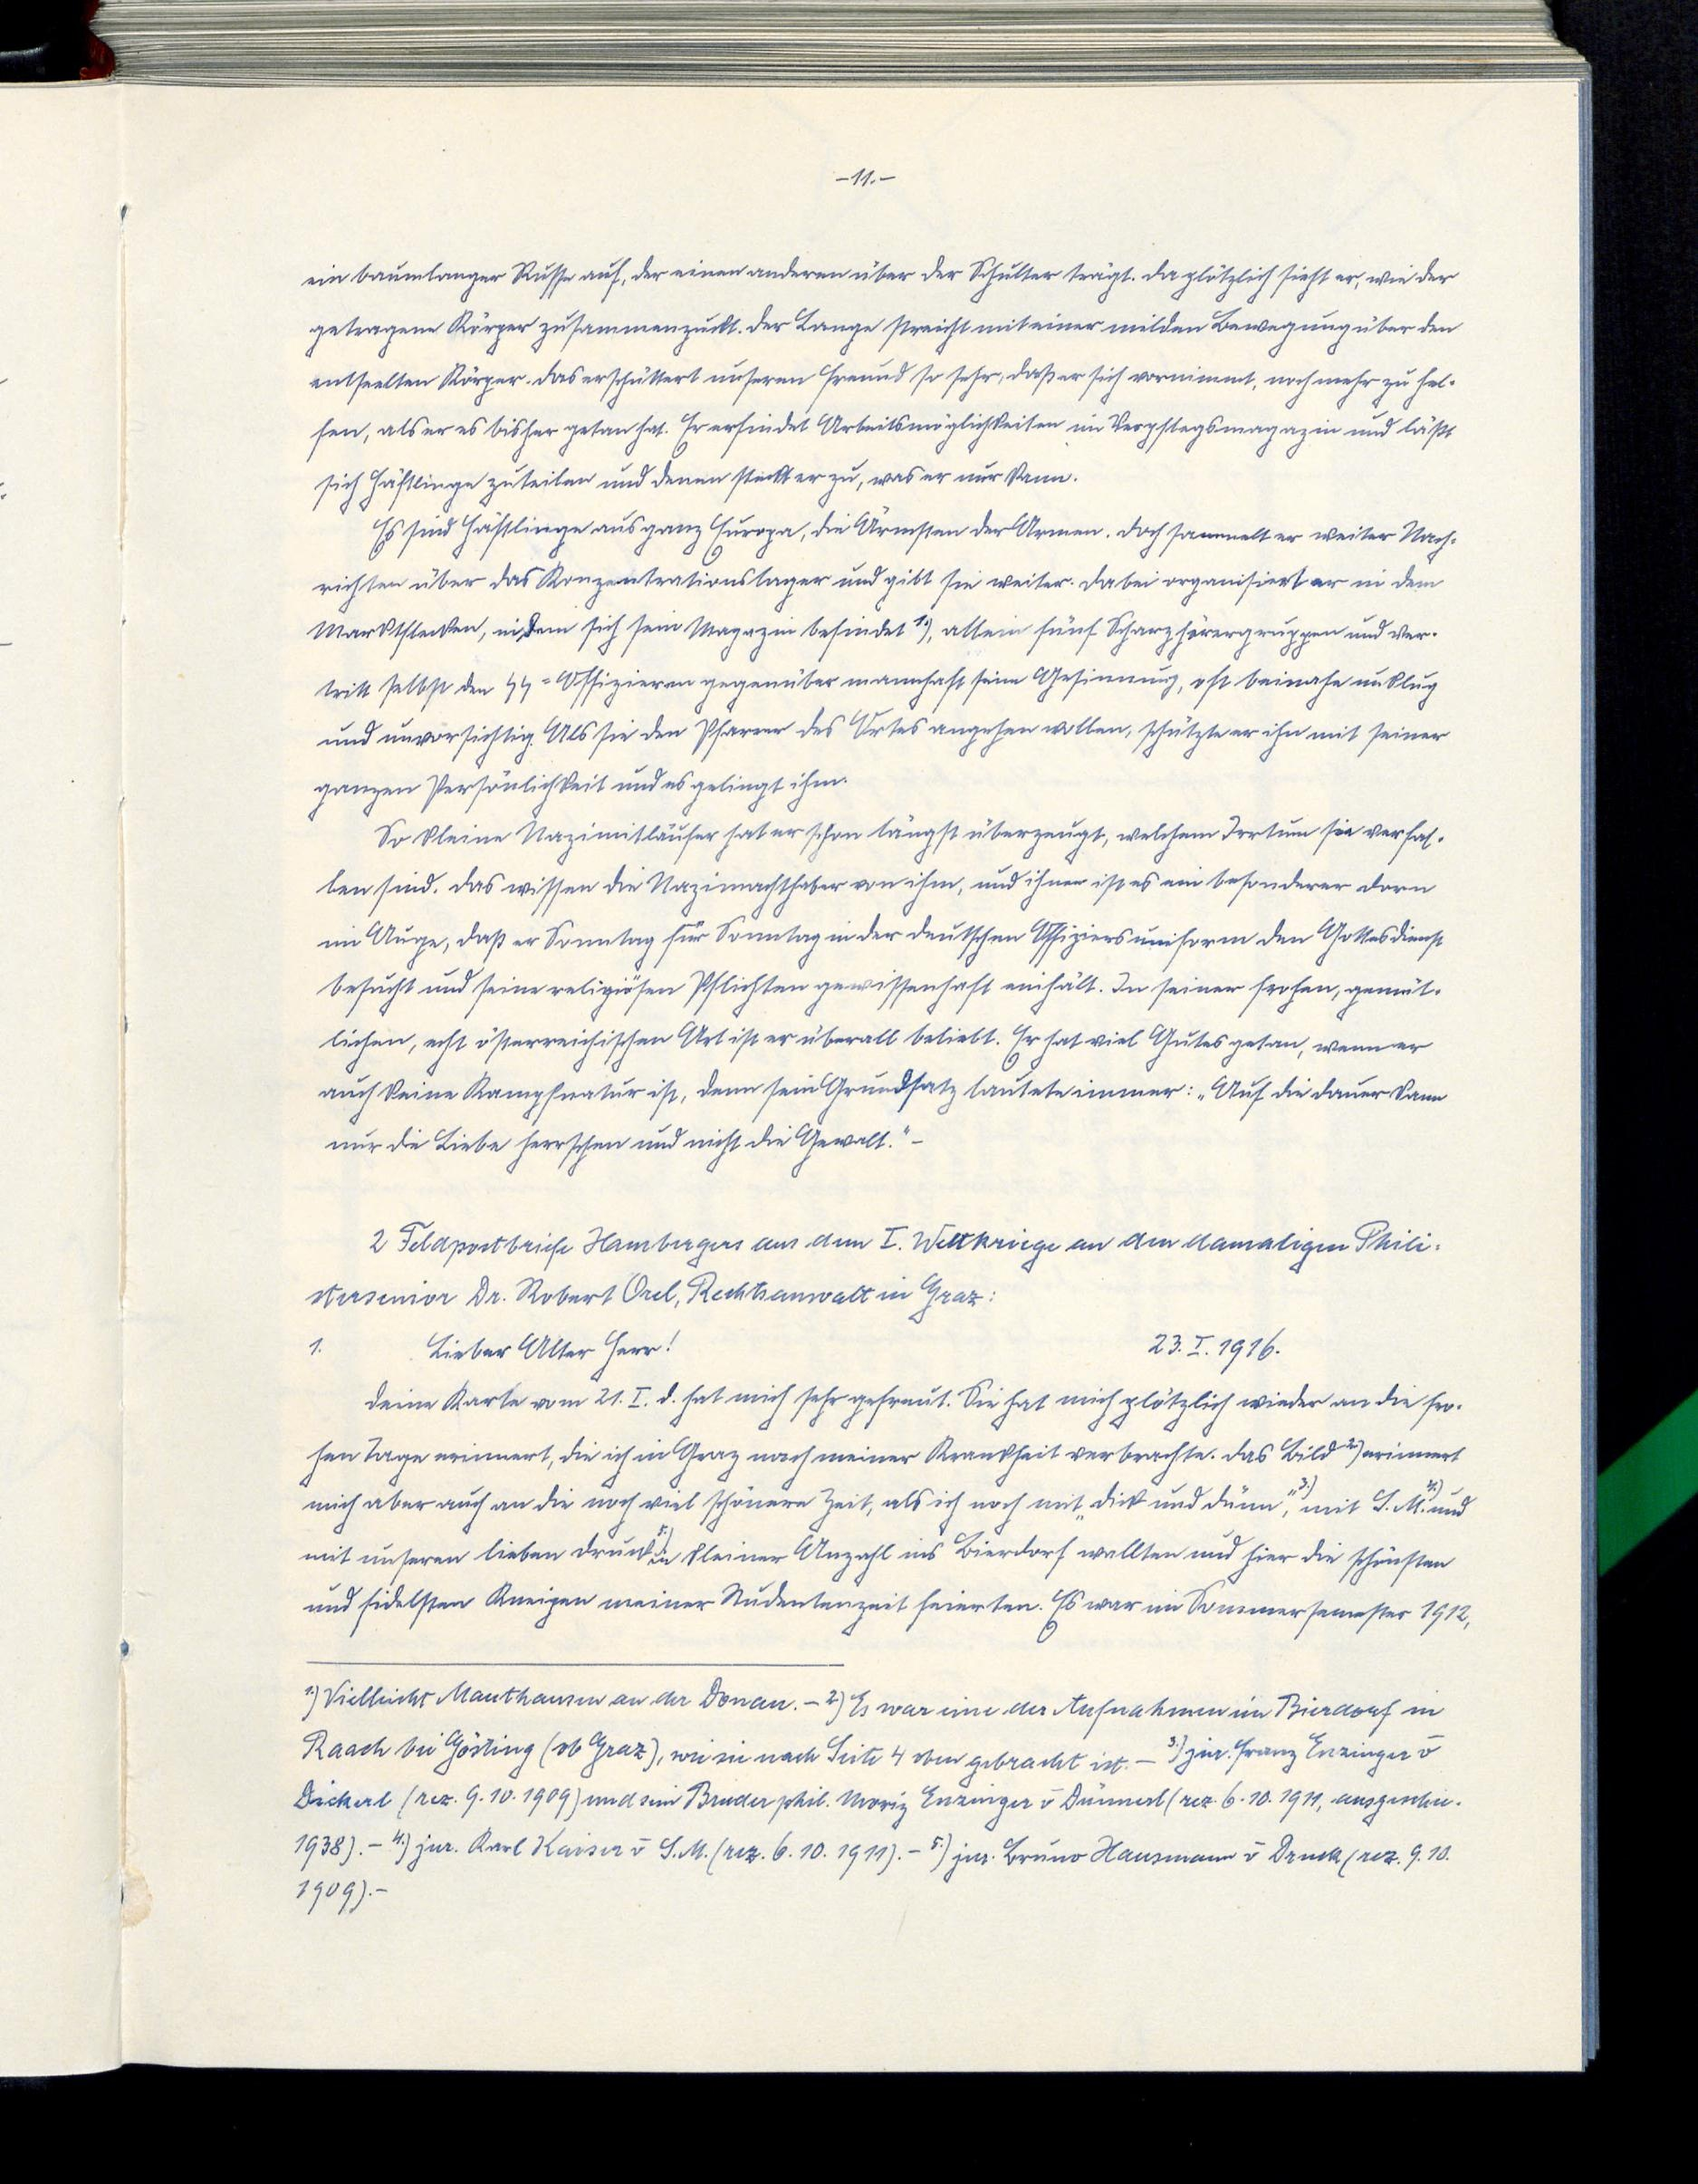11
ein baumlanger Russe auf, der einen anderen über der Schulter trägt. Da plötzlich sieht er, wie der
getragene Körper zusammenzuckt. Der Lange streicht mit einer milden Bewegung über den
entstellten Körper. Das erschüttert unseren Freund so sehr, dass er sich vornimmt, noch mehr zu hel-
fen, als er es bisher getan hat. Er erfindet Arbeitsmöglichkeiten im Verpflegungsmagazin und lässt
sich Häftlinge zuteilen und denen steckt er zu, was er nur kann.
Es sind Häftlinge aus ganz Europa, die Ärmsten der Armen. Doch sammelt er weiter Nach-
richten über das Konzentrationslager und gibt sie weiter. Dabei organisiert er in dem
Marktflecken, in dem sich sein Magazin befindet 1), allein fünf schanzfeuerung (?) und ver-
tritt selbst den SS-Offizieren gegenüber namhaft seine Gesinnung, oft beinahe unklug
und unvorsichtig. Als sind dem Pfarrer des Ortes angehen wollen, schützte er ihn mit seiner
ganzen Persönlichkeit und es gelingt ihm.
So kleine Nazimitläufer hat er schon längst überzeugt, welchen Irrtum sie verfal-
len sind. Das wissen die Nazimachthaber von ihm, und ihnen ist es am ein besonderer Dorn
im Auge, dass er Sonntag für Sonntag in der deutschen Offiziersuniform den Gottesdienst
besucht und seine religiösen Pflichten gewissenhaft einhält. In seiner frohen, gemüt-
lichen, echt österreichischen Art ist der über allen beliebt. Er hat viel Gutes getan, wenn er
auch keine Kampfnatur ist, denn sein Grundsatz lautete immer: „Auf die Dauer kann
nur die Liebe herrschen und nicht die Gewalt.“-
2 Feldpostbriefe Hambergers aus dem I. Weltkrieg an den damaligen Phili-
stersenior Dr. Robert Orel, Rechtsanwalt Graz:
1. Lieber Alter Herr! 23 I. 1926
Deine Karte vom 21. I. d. hat mich sehr gefreut. Sie hat mich plötzlich wieder an die fro-
hen Tage erinnert,die ich in Graz nach meiner Krankheit verbrachte. Das Bild 2) erinnert
mich aber auch an die noch viel schönere Zeit, als ich noch mit Dick und Dünn, 3) mit S. M. 4) und
mit unseren lieben Drunk in kleiner Anzahl ins Bierdorf wollten und hier die schönsten
und fidelsten Kneipen meiner Studentenzeit feierten. Es war im Sommersemester 1912,
1) vielleicht Mauthausen an der Donau. – 2)Es war eine der Aufnahme in Bierdorf in
Raach bei Gösling (ob Graz), wie sie nach Seite 4 oben gebracht ist. – 3) iur. Franz Enzinger v/o
Dickal (rez. 9.10.1909) und ein sein Bruder phil. Moriz Enzinger v/o Dummerl (rez. 6.10. 1911, ausgesch.
1938). – iur. Karl Kaiser v/o S. M. (rez. 6. 10. 1911).- 5) iur. Bruno Hausmann v/o Druck (rez. 9.10.
1909).-